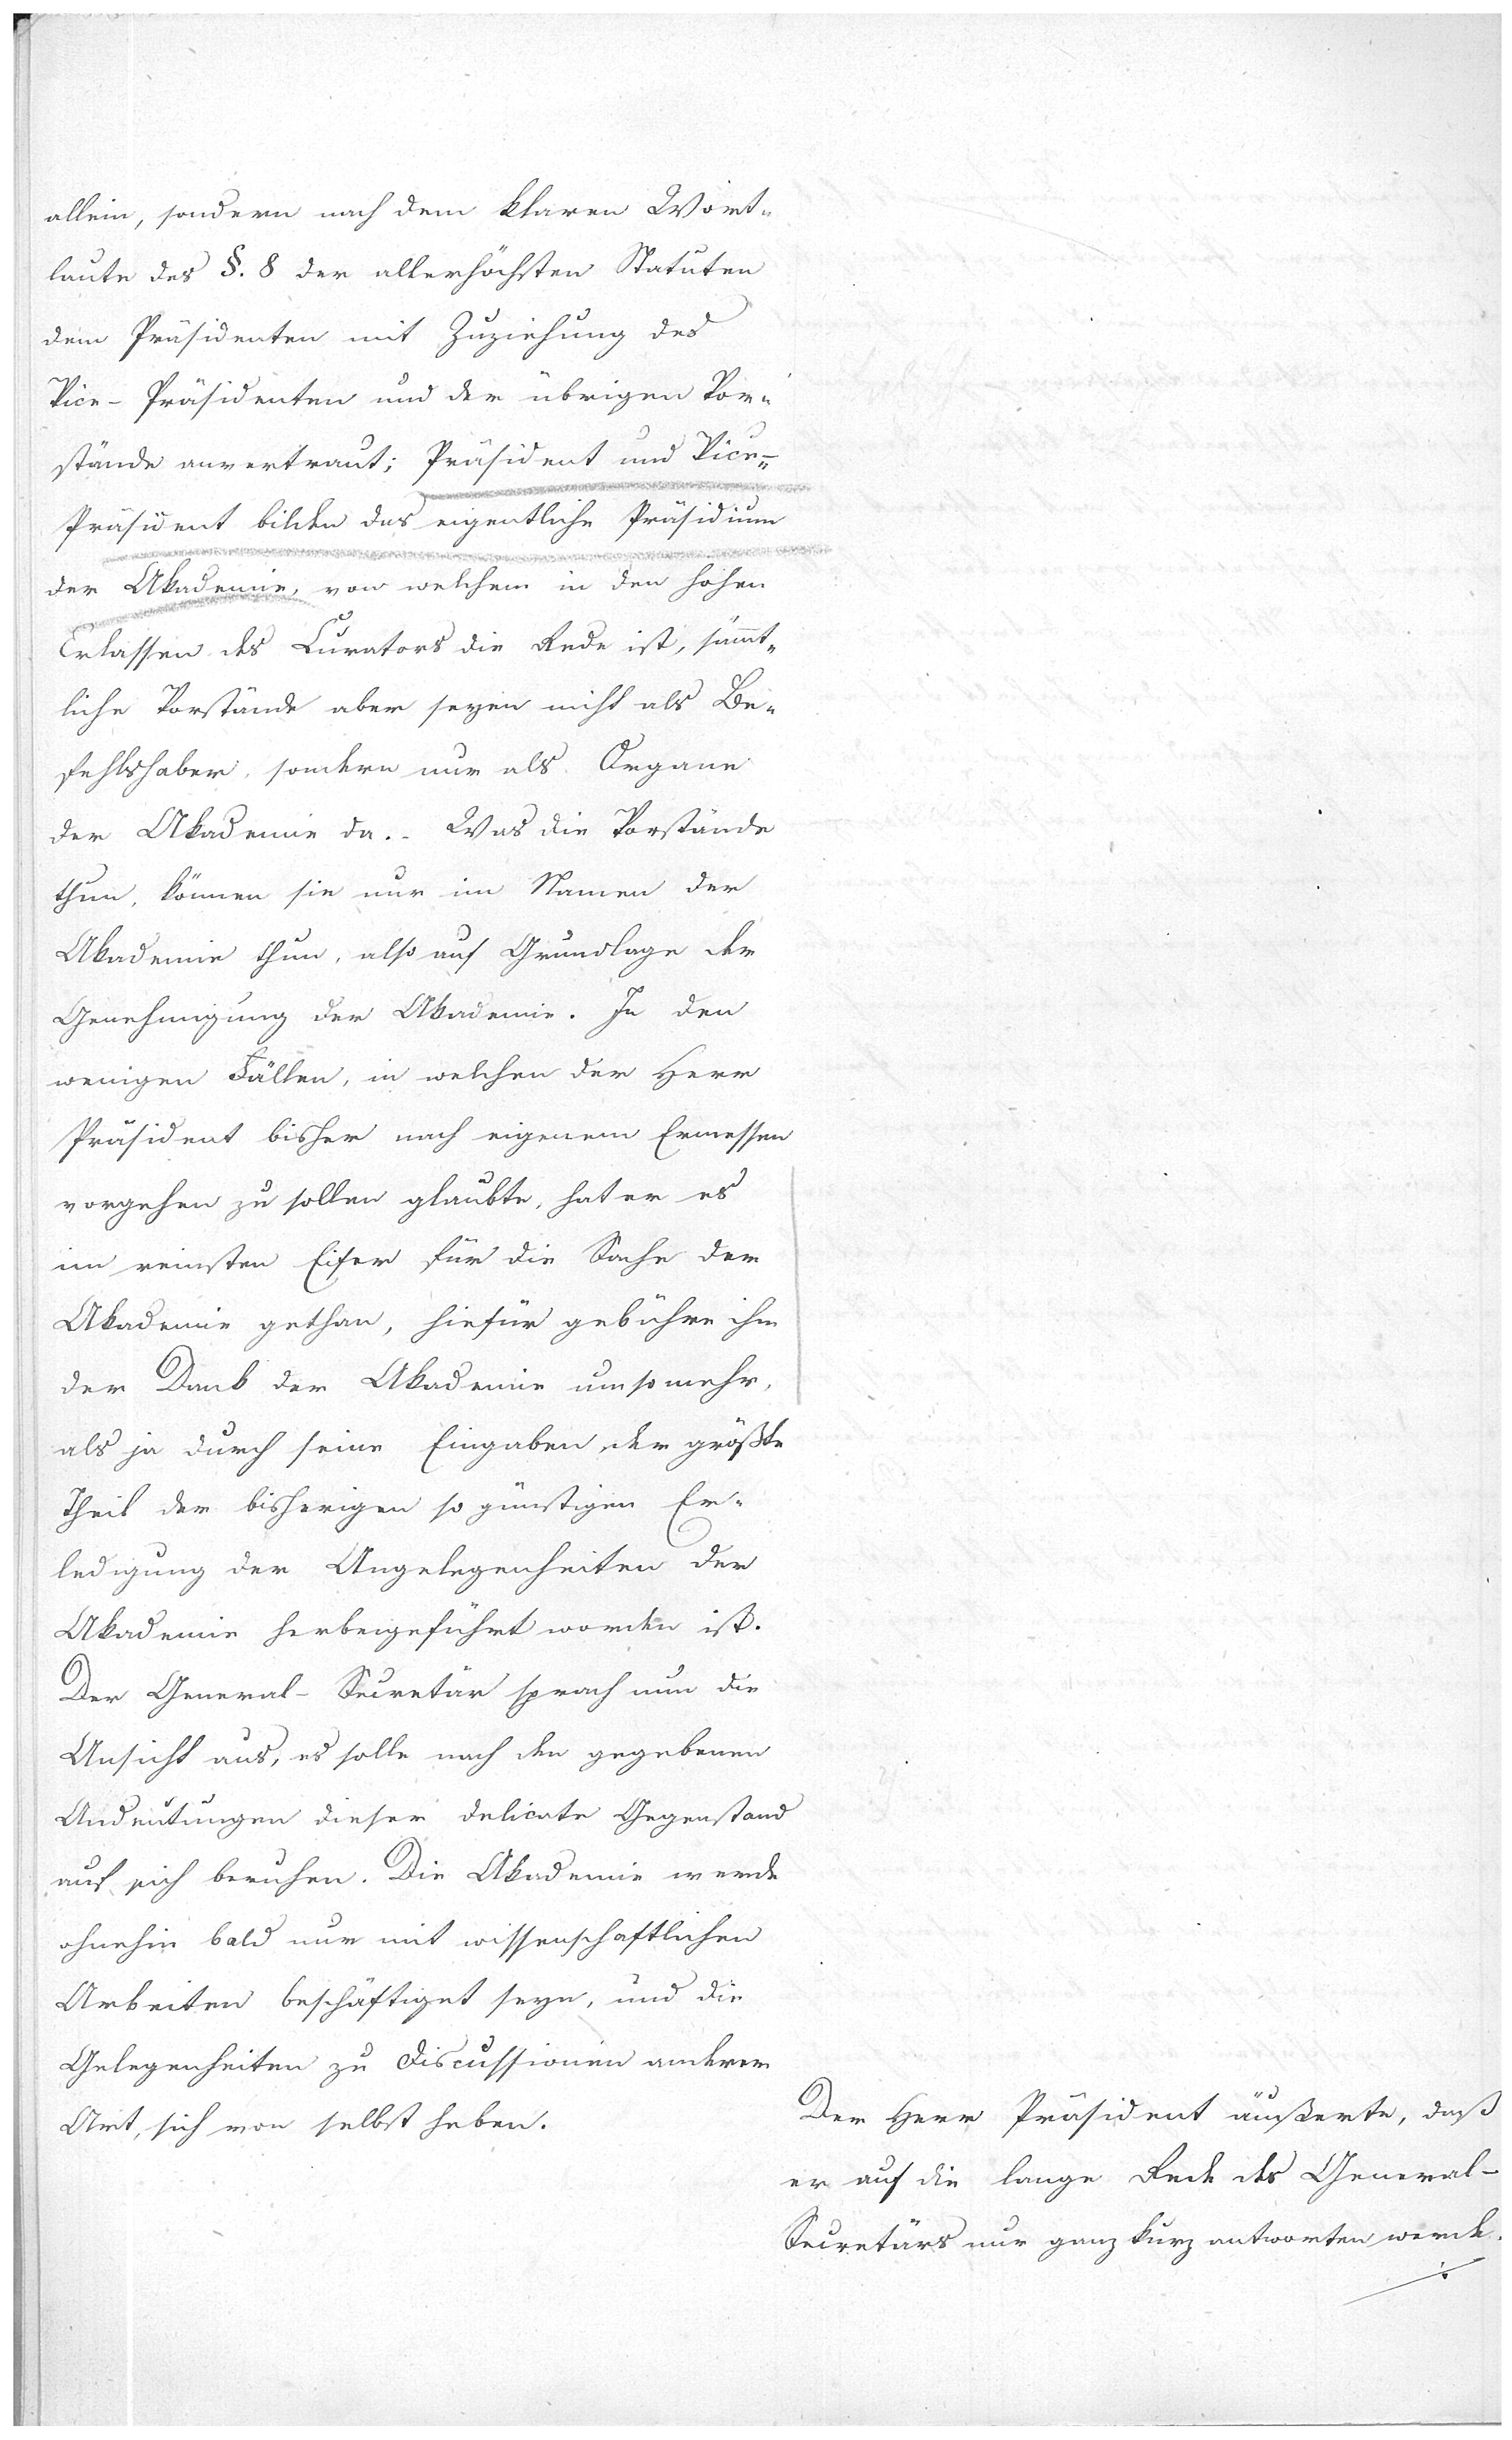allein, sondern nach dem klaren Wort-
laute des § 8 der allerhöchsten Statuten
dem Präsidenten mit Zuziehung des
Vice-Präsidenten und der übrigen Vor-
stände anvertraut; Präsident und Vice-
Präsident bilden das eigentlich Präsidium
der Akademie, vor welchem in den hohen
Erlassen des Curators die Rede ist, sämmt-
liche Vorstände aber seyen nicht als Be-
fehlshaber, sondern nur als Organe
der Akademie da. Was die Vorstände
thun, können sie nur im Namen der
Akademie thun, also auf Grundlagen der
Genehmigung der Akademie. In den
wenigen Fällen, in welchen der Herr
Präsident bisher nach eigenem Ermessen
vorgehen zu sollen glaubte, hat er es
im reinsten Eifer für die Sache der
Akademie gethan, hiefür gebühre ihm
der Dank der Aakdemie umsomehr,
als ja durch seine Eingaben, der größte
Theil der bisherigen so günstigen Er-
ledigung der Angelegenheiten der
Akademie herbeigeführt worden ist.
Der General-Secretär sprach nun die
Ansicht aus, es solle nach den gegebenen
Andeutungen dieser delicate Gegenstand
auf sich beruhen. Die Akademie werde
ohnehin bald nur mit wissenschaftlichen
Arbeiten beschäftiget seyn, und die
Gelegenheiten zu Discussionen anderer
Art, sich von selbst heben.
Der Herr Präsident äußerte, daß
er auf die lange Rede des General-
Secretärs nur ganz kurz antworten werde.